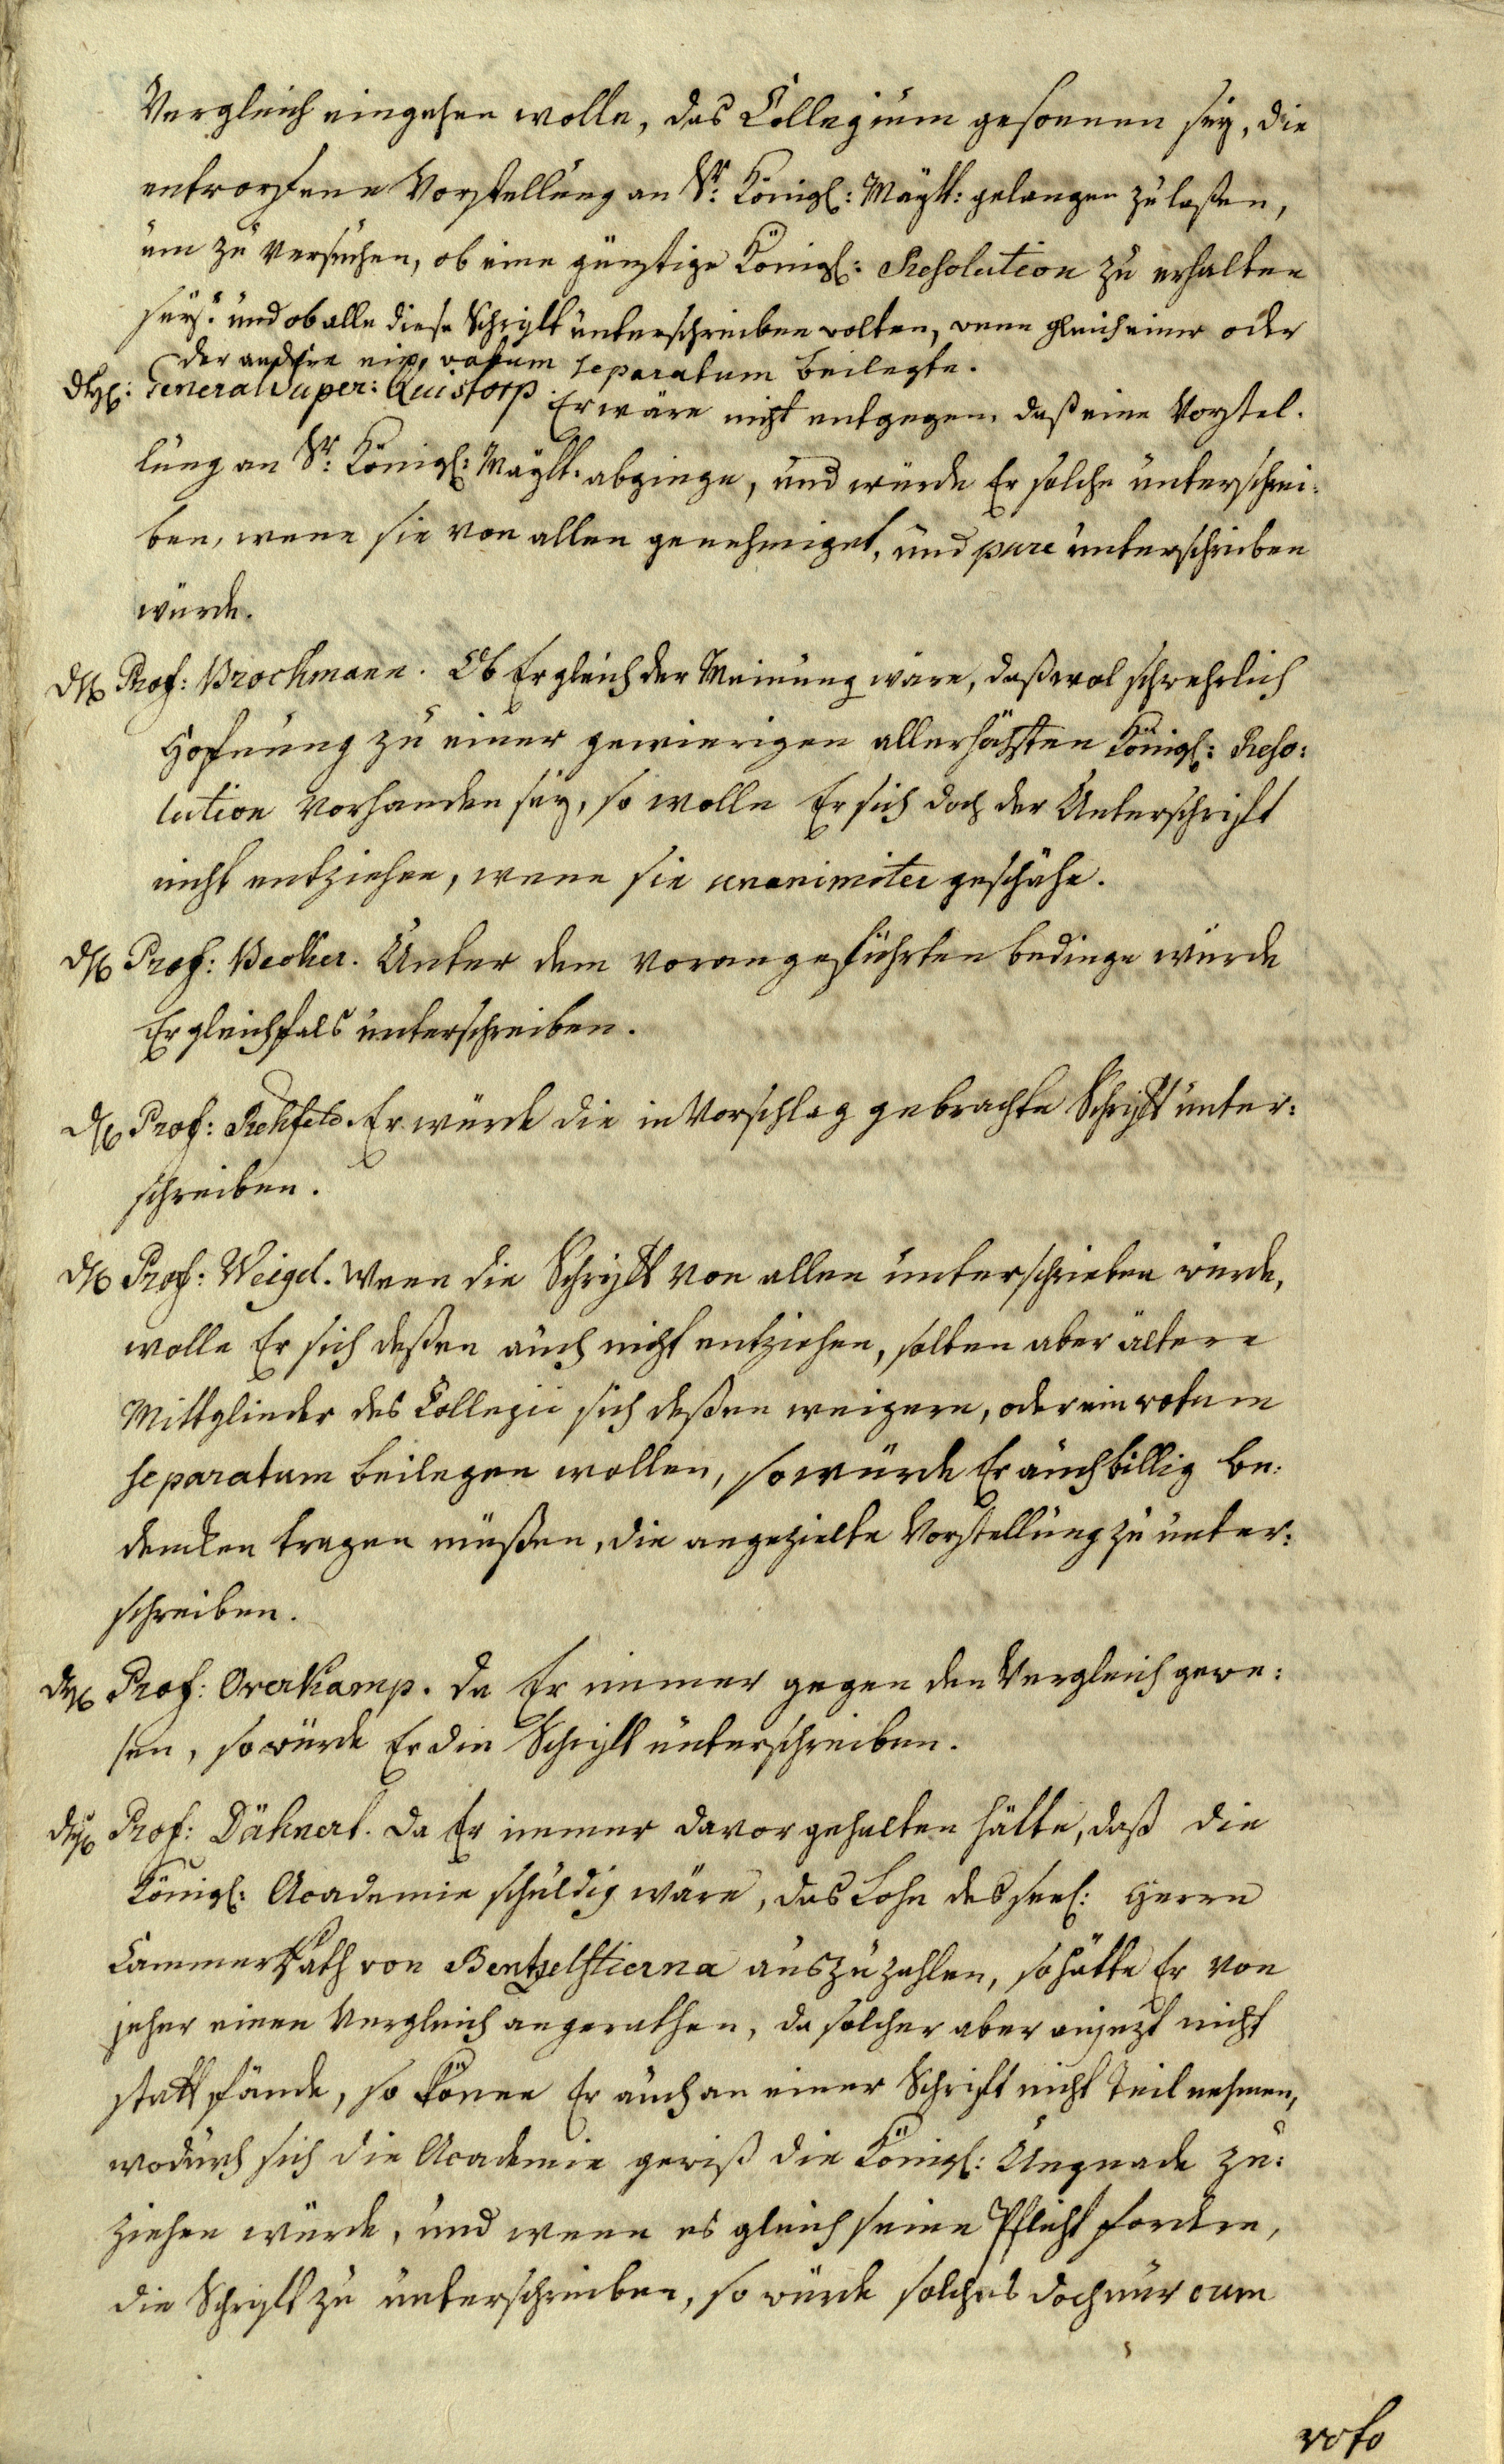Vergleich eingehen wolle, das Collegium gesonnen seÿ, die
entworfenen Vorstellung an Sr.Königl. Maÿtt. gelangen zu laßen,
um zu versuchen, ob eine günstige Königl. Resolution zu erhalten
seÿ? und ob alle diese Schrift unterschreiben wolten, wenn gleich einer oder
der andere ein votum separatum beilegte.
dh GeneralSuper. Quistorp. Er wäre nicht entgegen, daß eine Vorstel¬
lung an Sr Königl. Maÿtt. abginge, und würde Er solche unterschrei¬
ben, wenn sie von allen genehmiget, und pure unterschrieben
würde.
dh Prof. Brockmann. Ob Er gleich der Meinung wäre, daß wol schwehrlich
Hofnung zu einer gewinrigen allerhöchsten Königl. Reso¬
lution vorhanden seÿ, so wolle Er sich doch der Unterschrift
nicht entziehen, wenn sie unanimiter geschähe.
dh Prof. Becker. Unter dem vorangeführten bedinge würde
Er gleichfals unterschreiben.
dh Prof. Rehfeld Er würde die in Vorschlag gebrachte Schrift unter¬
schreiben.
dh. Prof. Weigel. Wenn die Schrift von allen unterschrieben würde,
wolle Er sich deßen auch nicht entziehen, solten aber ältere
Mittglieder des Collegii sich deßen weigern, oder ein votum
separatum beilegen wollen, so würde Er auch billig Be¬
dencken tragen müßen, die angezielte Vorstellung zu unter
schreiben.
dh Prof. Overkamp. Da Er immer gegen den Vergleich gewe¬
sen, so würde Er die Schrift unterschreiben.
dh Prof. Dähnert. Da Er immer davor gehalten hätte, daß die
Königl. Academie schuldig wäre, das Lohn des seel. Herrn
CammerRath von Bentzelstierna auszuzahlen, so hätte Er von
jeher einen Vergleich angerathen, da solcher aber anjezt nicht
statt fände, so könne Er auch an einer Schrift nicht teilnehmen,
woduch sich die Academie gewiß die Königl. Ungnade zu¬
ziehen würde, und wenn es gleich seine Pflicht fordere,
die Schrift zu unterschreiben, so würde solches doch nur cum
voto